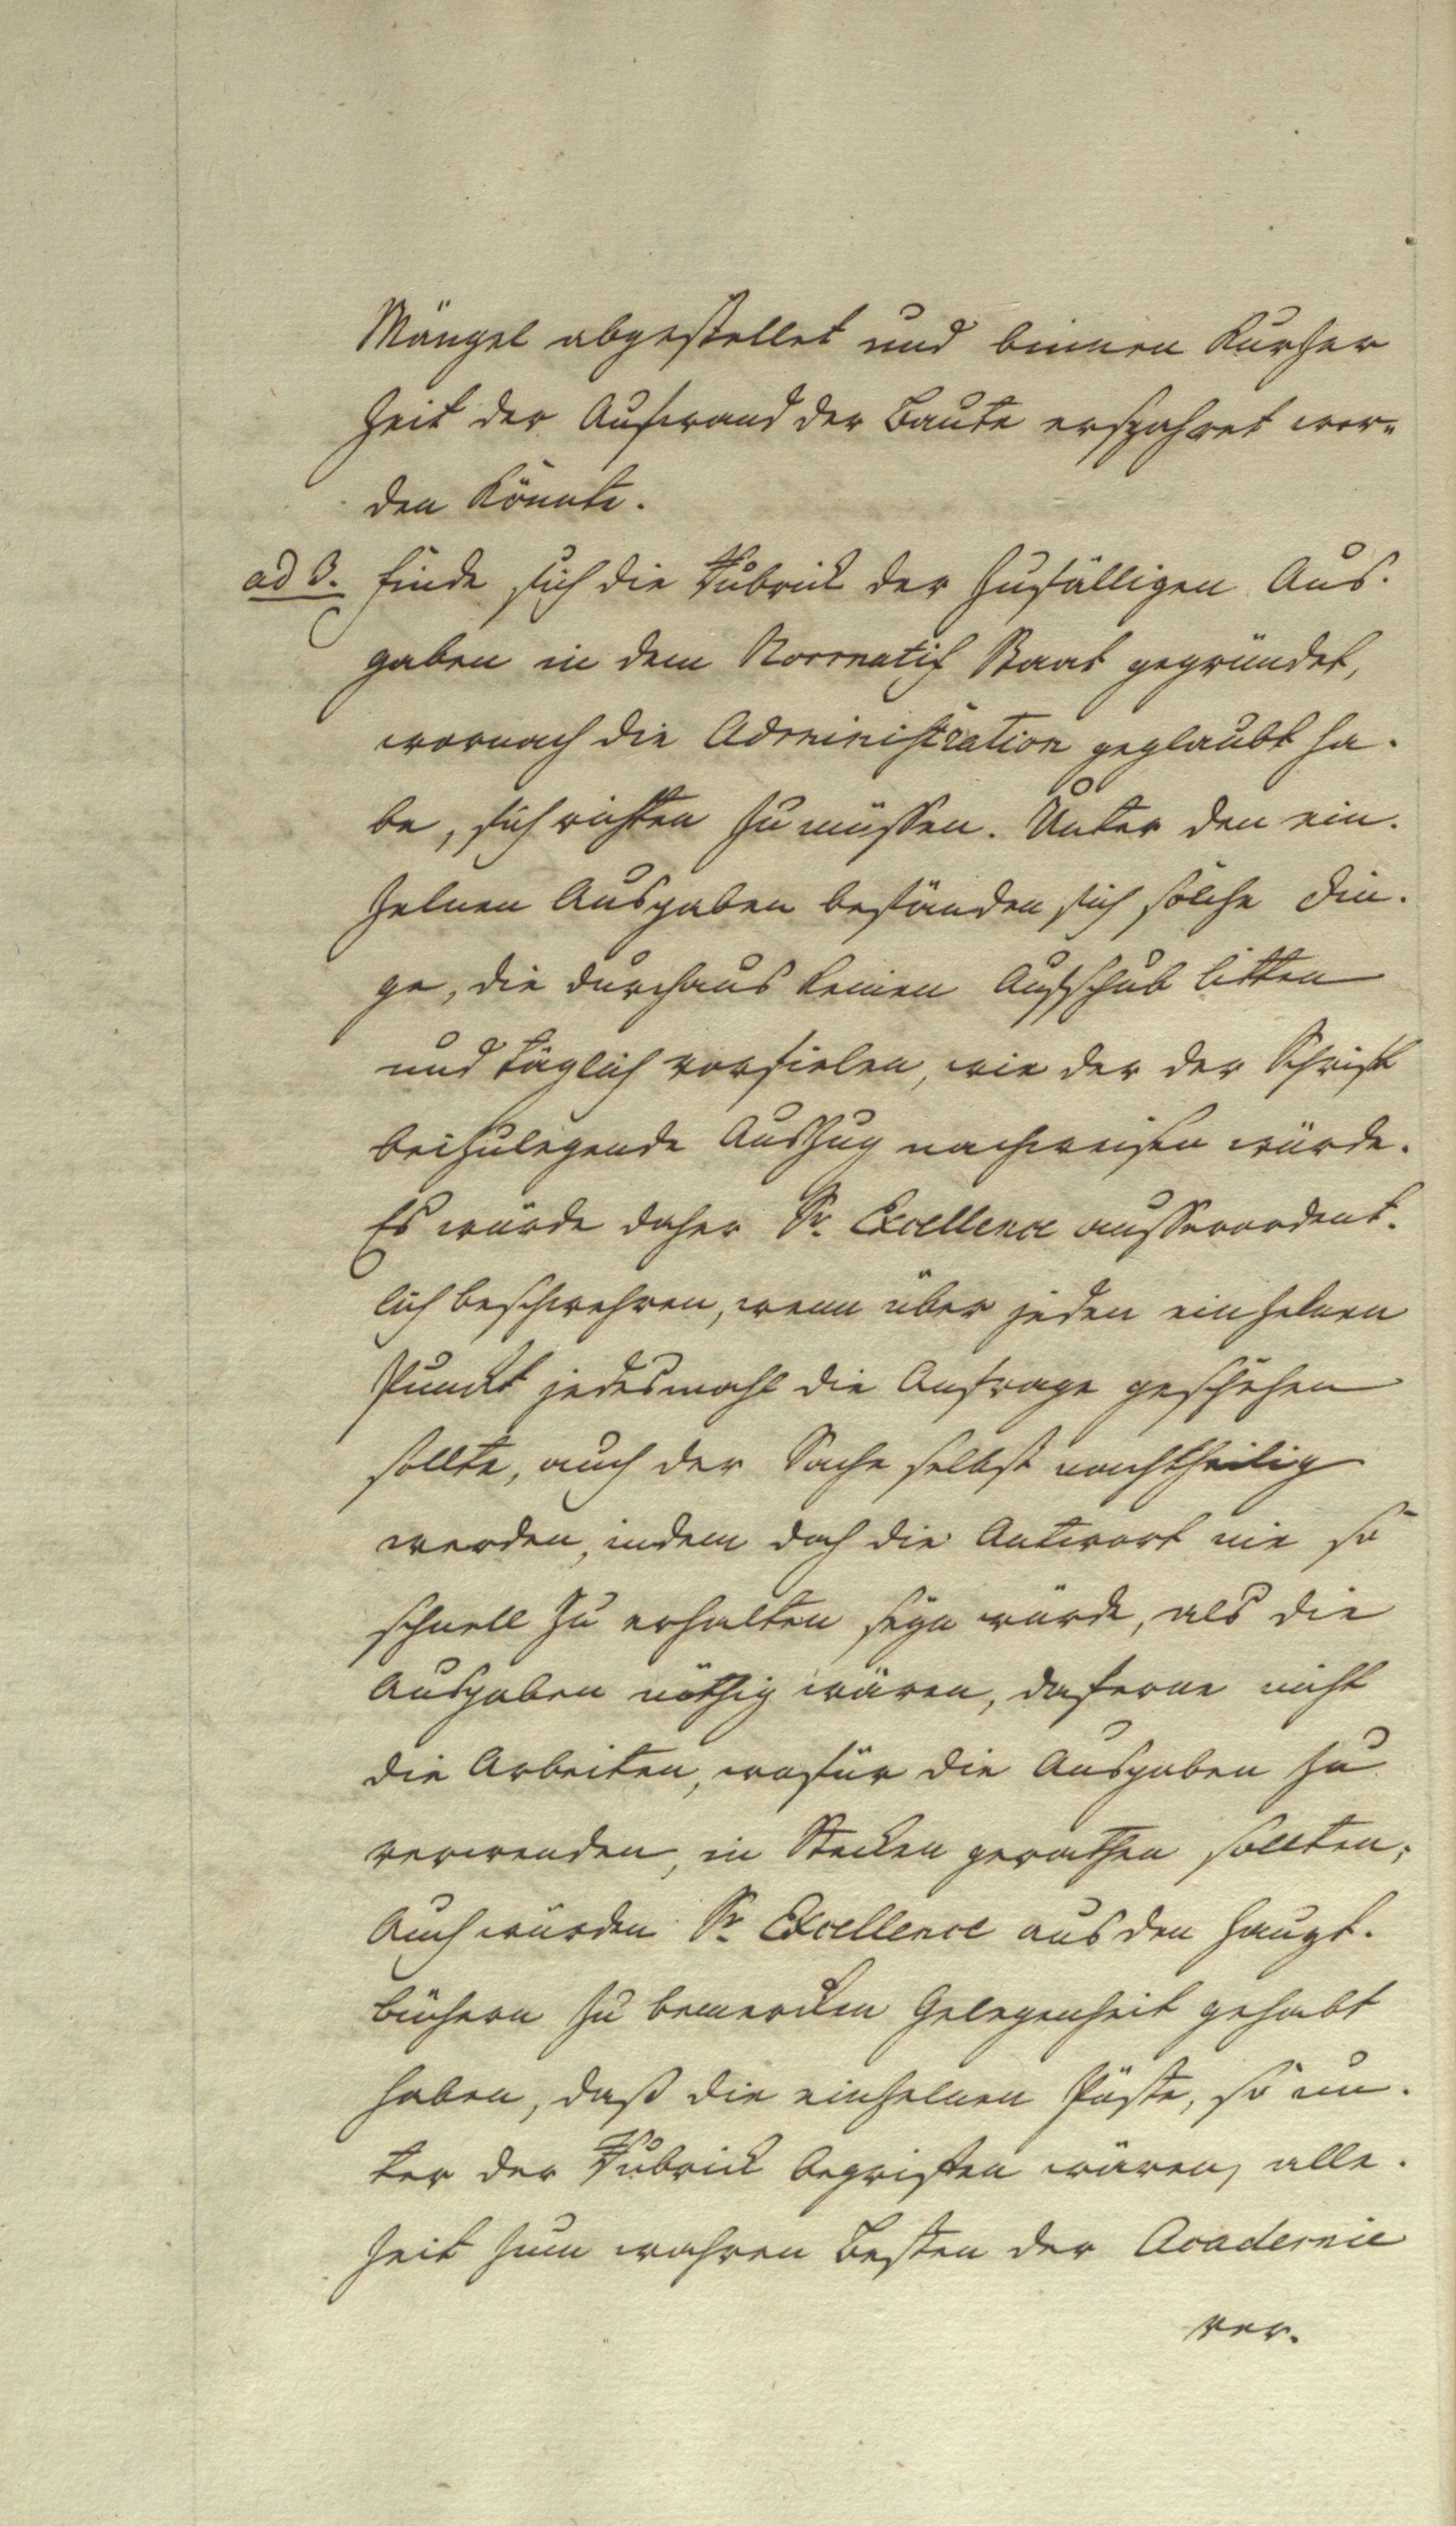Mängel abgestellet und binnen kurzer
Zeit der Aufwand der Baute erspahret wer¬
den könnte.
ad 3. Finde sich die Rubrik der zufälligen Aus¬
gaben in dem Normatif Staat gegründet,
wornach die Administration geglaubt ha¬
be, sich richten zu müssen. Unter den ein¬
zelnen Ausgaben befänden sich solche Din¬
ge, die durchaus keinen Aufschub litten
und täglich vorfielen, wie der Schriftl.
beizulegenden Auszug nachweisen würde.
Es würde daher Sr. Excellence ausserordent¬
lich beschwehren, wenn über jeden einzelnen
Punkt jedesmahl die Anfrage geschehen
sollte, auch der Sache selbst nachtheilig
werden, indem doch die Antwort nie so
schnell zu erhalten seyn würde, als die
Ausgaben nöthig wären, daferne nicht
die Arbeiten, wofür die Ausgaben zu
verwenden, in Stecken gerathen sollten,
Auch würden Sr. Excellence aus den Haupt¬
büchern zu bemerken Gelegenheit gehabt
haben, daß die einzelnen Pöste, so un¬
ter der Rubrik begrifen wären, alle¬
zeit zum wahren Besten der Academie
ver¬